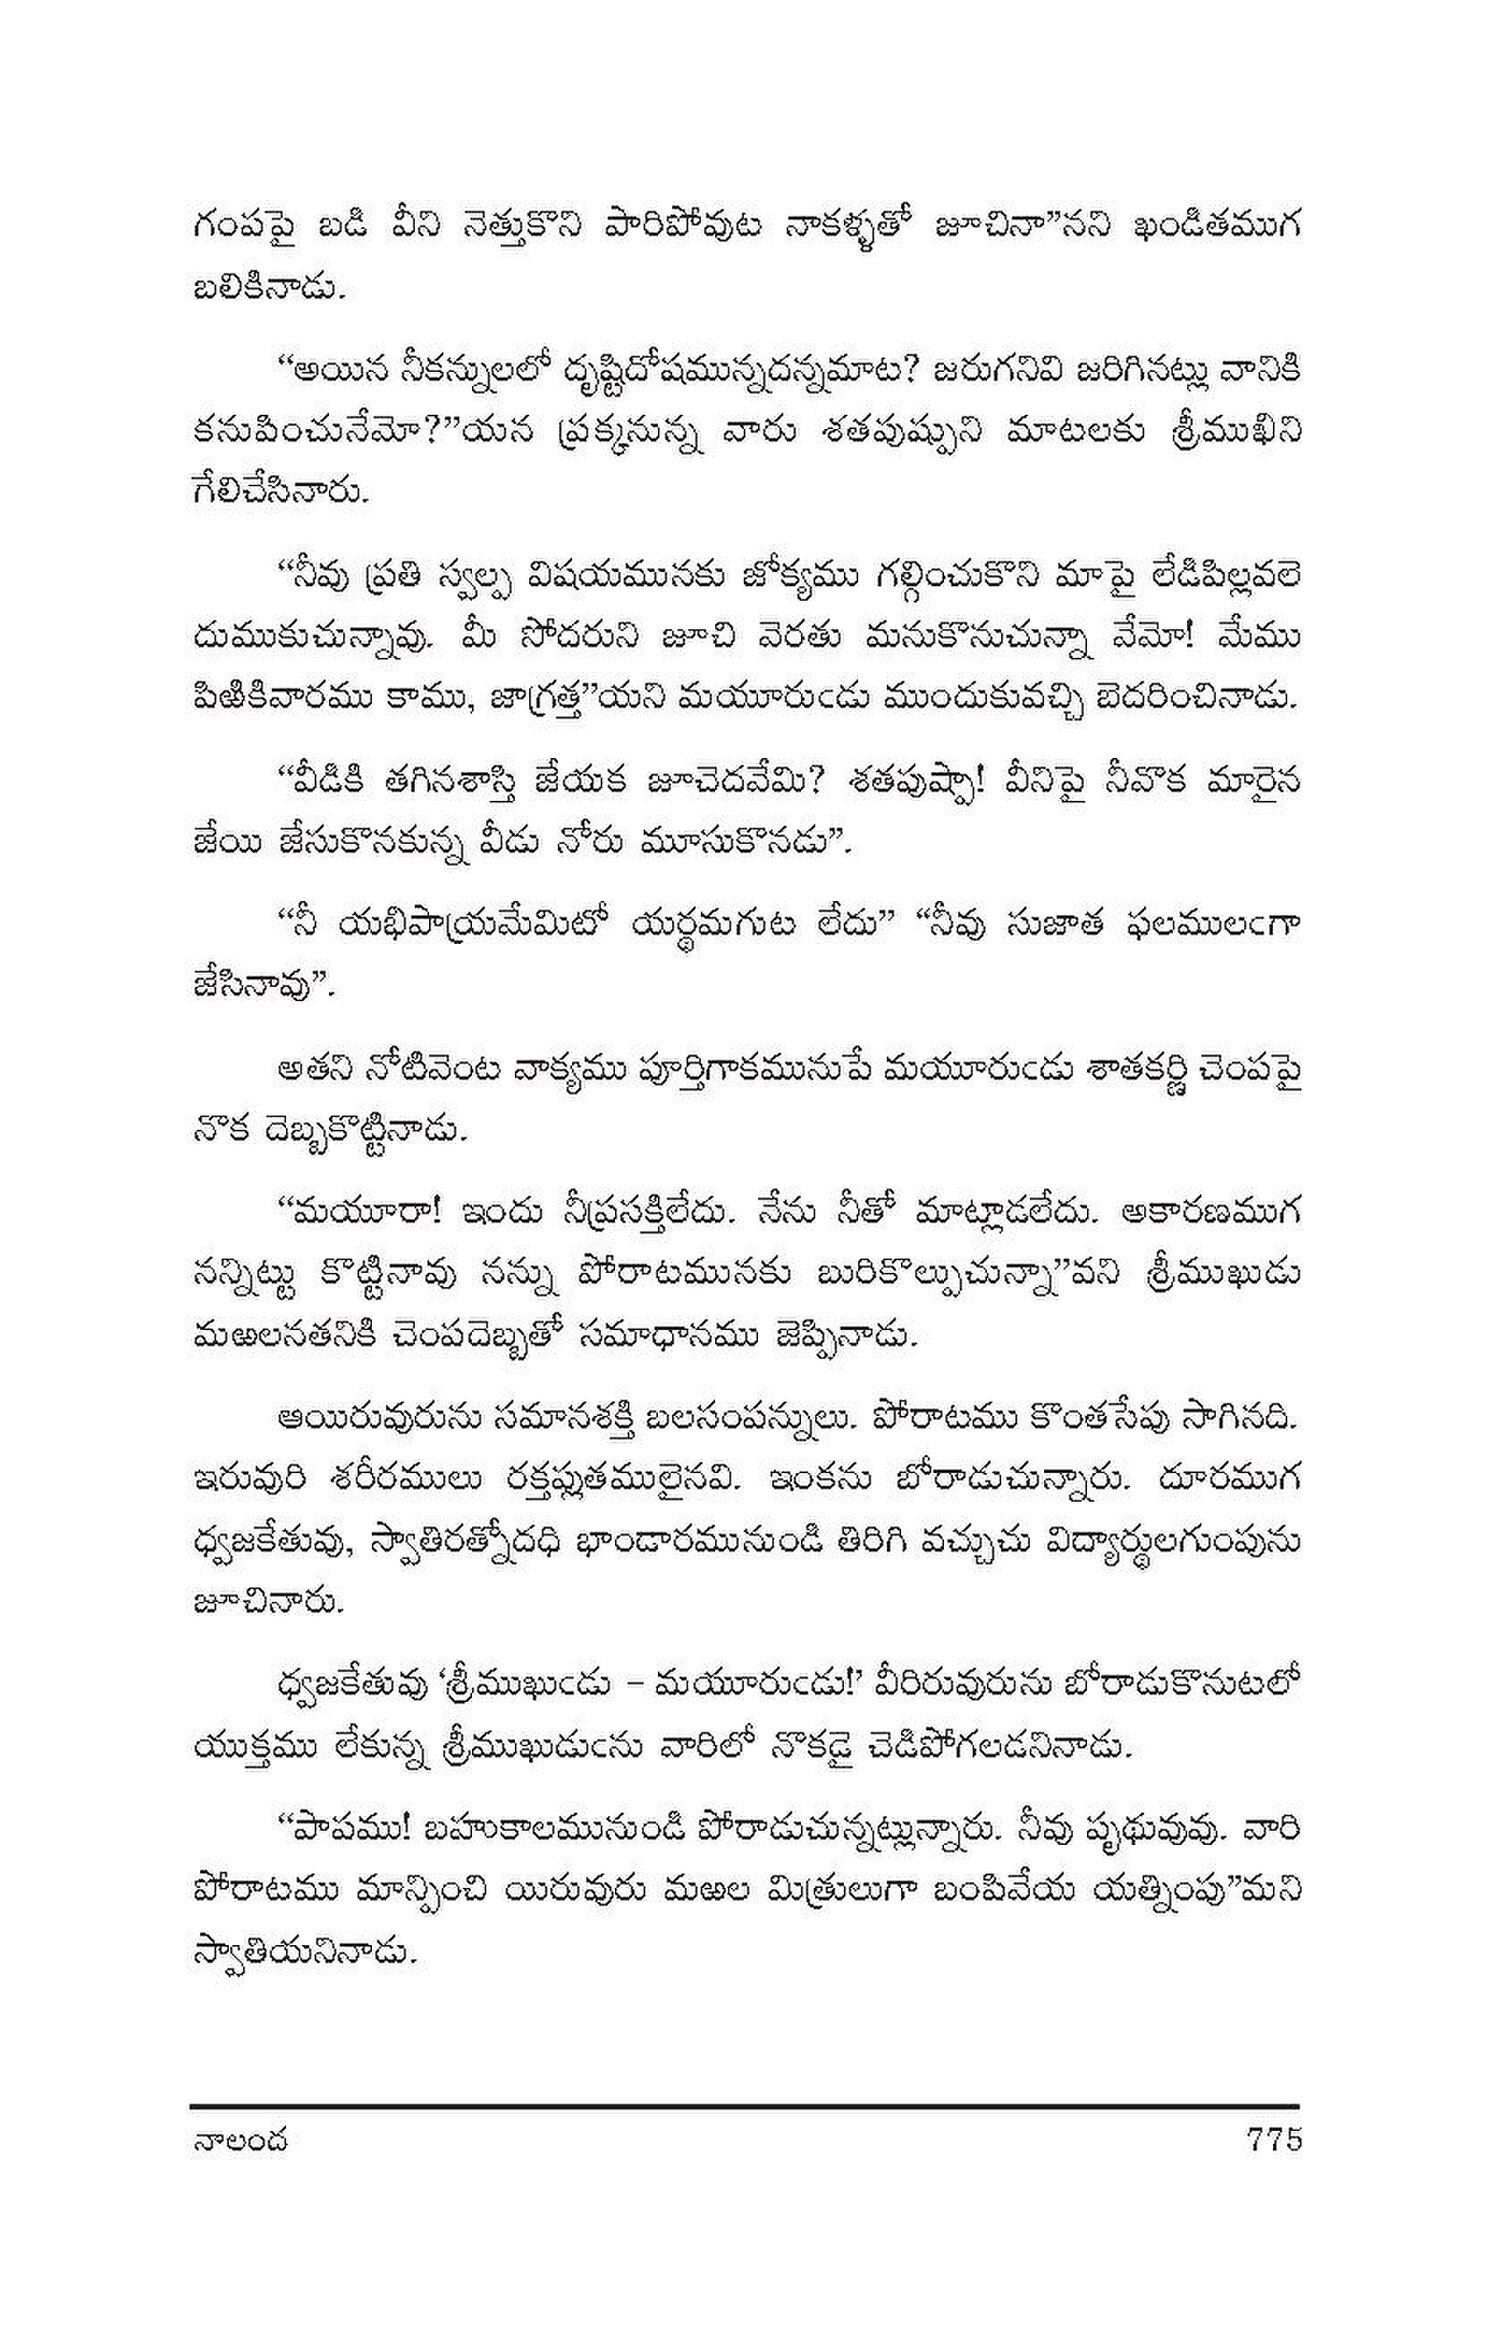గంపపై బడి వీని నెత్తుకొని పారిపోవుట నాకళ్ళతో జూచినా"నని ఖండితముగ బలికినాడు.

"అయిన నీకన్నులలో దృష్టిదోషమున్నదన్నమాట? జరుగనివి జరిగినట్లు వానికి కనుపించునేమో?”యన ప్రక్కనున్న వారు శతపుష్పుని మాటలకు శ్రీముఖిని గేలిచేసినారు.

“నీవు ప్రతి స్వల్ప విషయమునకు జోక్యము గల్గించుకొని మాపై లేడిపిల్లవలె దుముకుచున్నావు. మీ సోదరుని జూచి వెరతు మనుకొనుచున్నా వేమో! మేము పిఱికివారము కాము, జాగ్రత్త”యని మయూరుఁడు ముందుకువచ్చి బెదరించినాడు.

"వీడికి తగినశాస్తి జేయక జూచెదవేమి? శతపుష్పా! వీనిపై నీవొక మారైన జేయి జేసుకొనకున్న వీడు నోరు మూసుకొనడు".

"నీ యభిప్రాయమేమిటో యర్థమగుట లేదు” “నీవు సుజాత ఫలములఁగా జేసినావు".

అతని నోటివెంట వాక్యము పూర్తిగాకమునుపే మయూరుఁడు శాతకర్ణి చెంపపై నొక దెబ్బకొట్టినాడు.

“మయూరా! ఇందు నీప్రసక్తిలేదు. నేను నీతో మాట్లాడలేదు. అకారణముగ నన్నిట్టు కొట్టినావు నన్ను పోరాటమునకు బురికొల్పుచున్నావని శ్రీముఖుడు మఱలనతనికి చెంపదెబ్బతో సమాధానము జెప్పినాడు.

ఆయిరువురును సమానశక్తి బలసంపన్నులు. పోరాటము కొంతసేపు సాగినది. ఇరువురి శరీరములు రక్తప్లుతములైనవి. ఇంకను బోరాడుచున్నారు. దూరముగ ధ్వజకేతువు, స్వాతిరత్నోదధి భాండారమునుండి తిరిగి వచ్చుచు విద్యార్థులగుంపును జూచినారు.

ధ్వజకేతువు 'శ్రీముఖుఁడు - మయూరుఁడు!' వీరిరువురును బోరాడుకొనుటలో యుక్తము లేకున్న శ్రీముఖుడుఁను వారిలో నొకడై చెడిపోగలడనినాడు.

"పాపము! బహుకాలమునుండి పోరాడుచున్నట్లున్నారు. నీవు పృథువువు. వారి పోరాటము మాన్పించి యిరువురు మఱల మిత్రులుగా బంపివేయ యత్నింపు"మని స్వాతీయనినాడు.